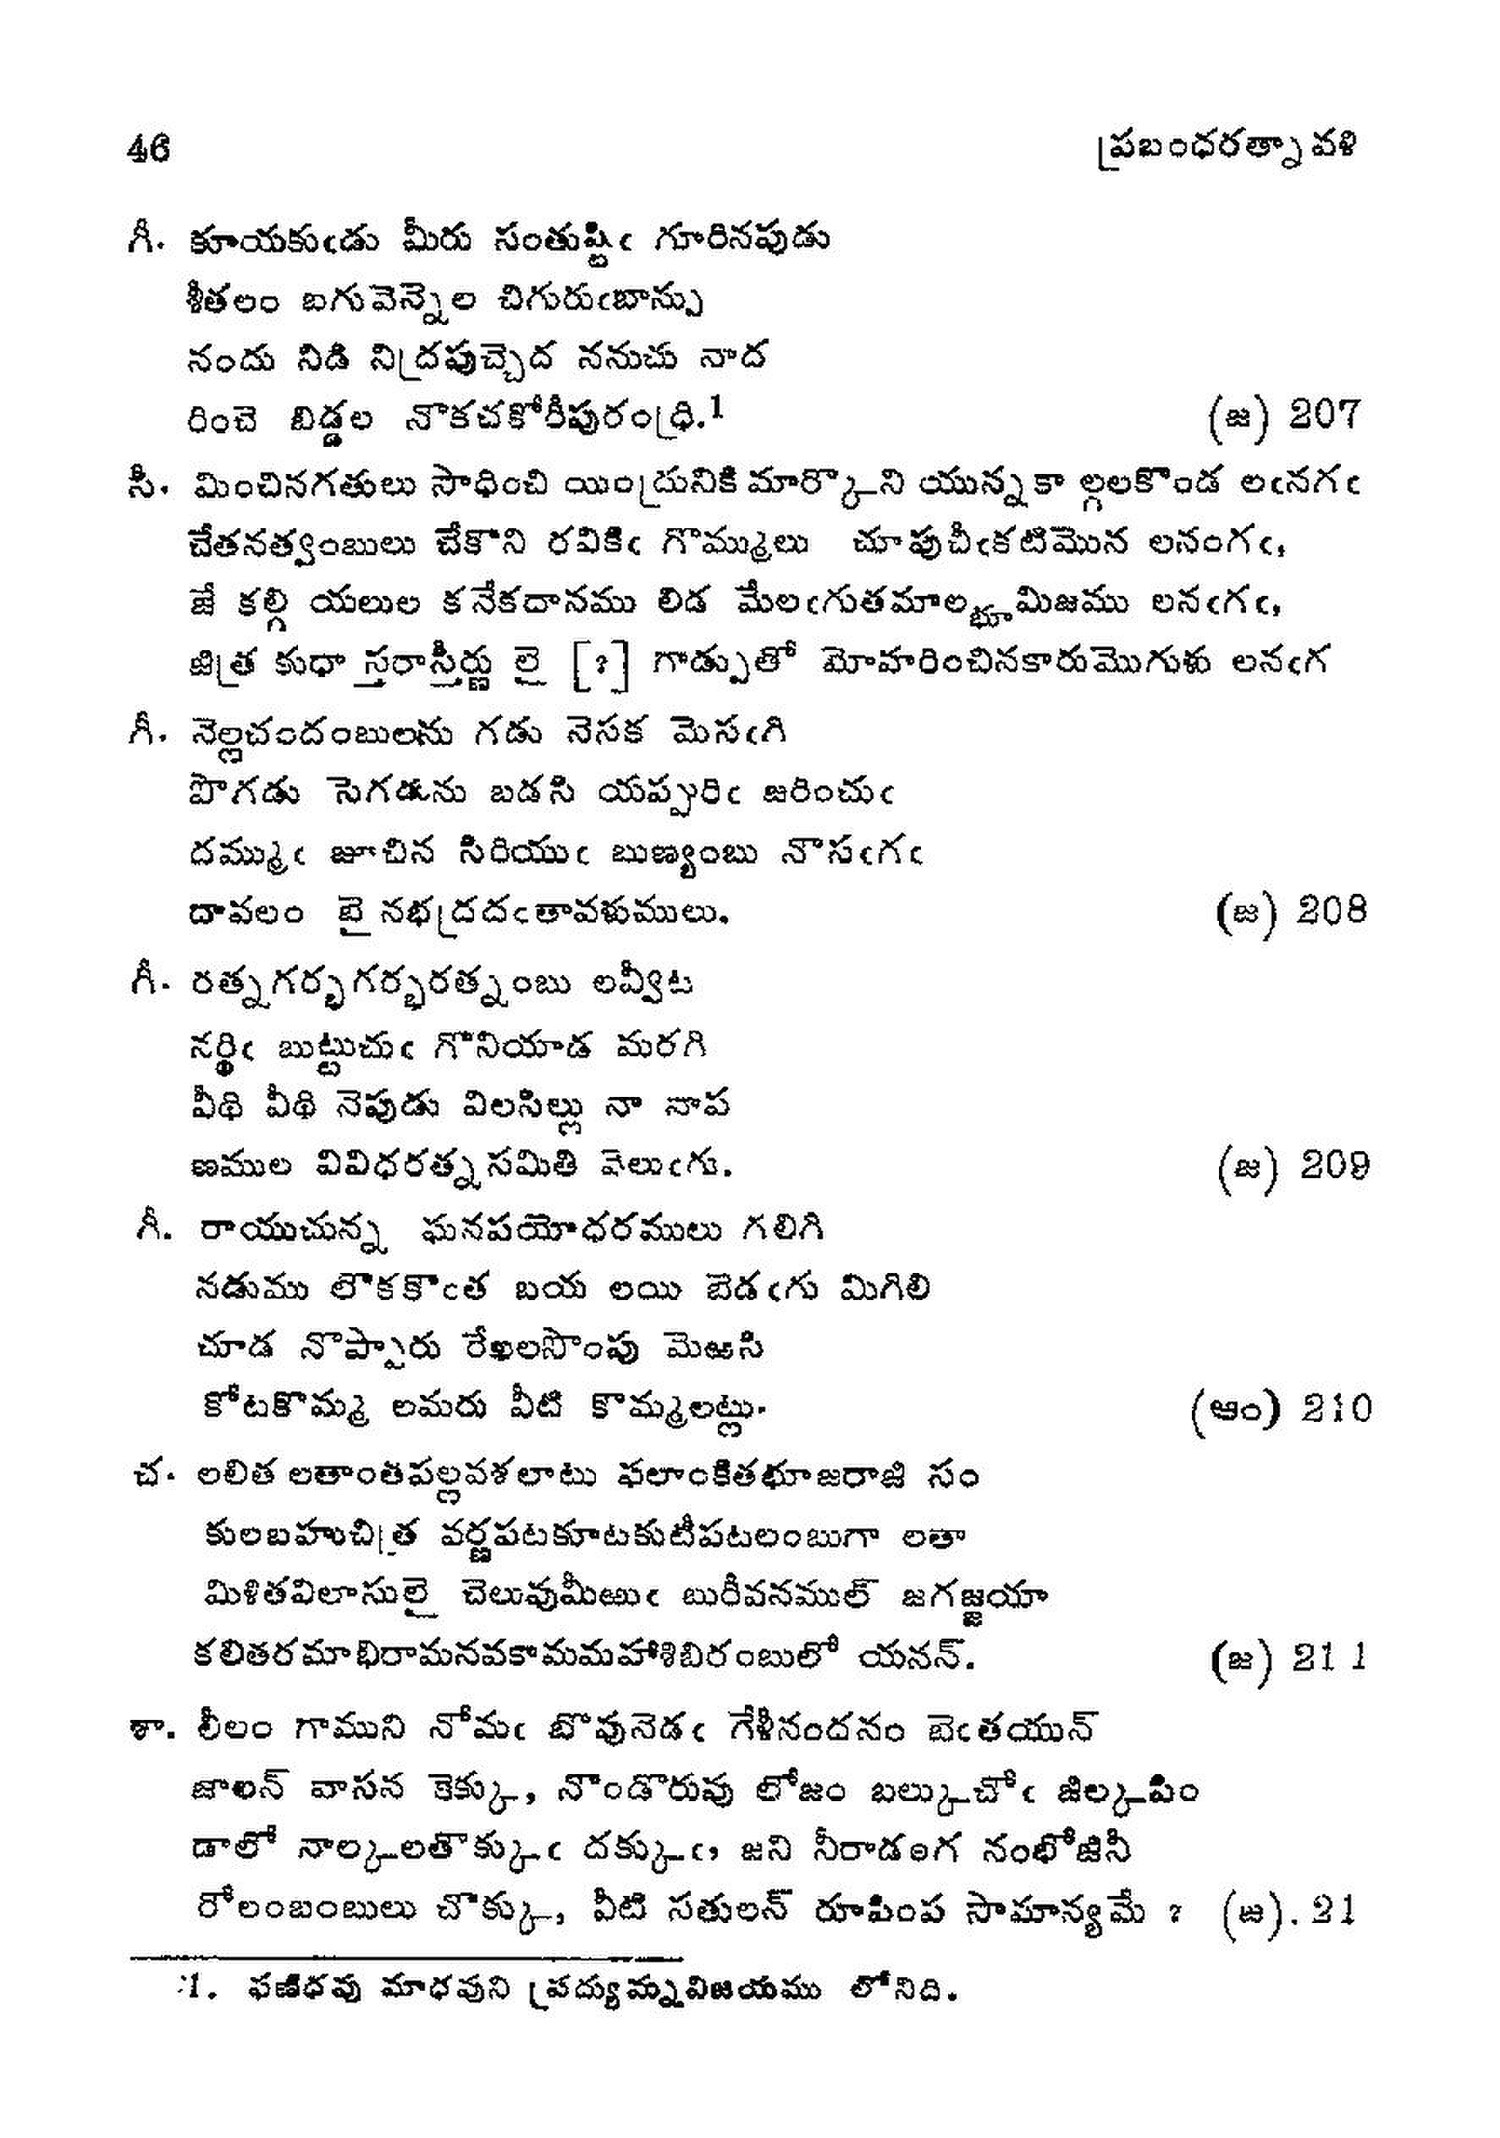గీ. కూయకుఁడు మీరు సంతుష్టిఁ గూరినపుడు
శీతలంబగు వెన్నెల చిగురుఁబాన్పు
నందు నిడి నిద్రపుచ్చెద ననుచు నాద
రించె బిడ్డల నొక చకోరీపురంధ్రి. (జ) 207

సీ. మించినగతులు సాధించి యింద్రునికి మార్కొని యున్న కాల్గలకొండ లనఁగఁ,
జేతనత్వంబులు చేకొని రవికిఁ గొమ్ములు చూపు చీఁకటి మొన లనంగఁ,
జేకల్గి యలుల కనేకదానము లిడ మేలఁగు తమాలభూమిజము లనఁగఁ,
జిత్రకుధాస్తరాస్తీర్ణులై[?] గాడ్పుతో మోహరించిన కారుమొగుళు లనఁగఁ,
తే. నెల్లచందంబులను గడు నెసగ మెసఁగి
పొగడు నెగడును బడసి యప్పురిఁ జరించుఁ
దమ్ముఁ జూచిన సిరియుఁ బుణ్యంబు నొసఁగఁ
దావలంబైన భద్రదంతావళములు. (జ) 208

గీ. రత్నగర్భ గర్భరత్నంబు లవ్వీట
నర్థిఁ బుట్టుచుఁ గొనియాడ మరగి
వీథి వీథి నెపుడు విలసిల్లు నా నాప
ణముల వివిధరత్నసమితి వెలుఁగు. (జ) 209

గీ. రాయుచున్న ఘనపయోధరములు గలిగి
నడుము లొక కొంత బయలయి బెడఁగు మిగిలి
చూడ నొప్పారు రేఖలసొంపు మెఱసి
కోటకొమ్మ లమరు వీటికొమ్మలట్లు. (ఆం) 210

మ. లలిత లతాంతపల్లవశలాటు ఫలాంకిత భూజరాజి సం
కుల బహుచిత్ర వర్ణపటకూటకుటీపటలంబుగా లతా
మిళితవిలాసులై చెలువు మీఱుఁ బురీవనముల్ జగజ్జయా
కలిత రమాభిరామ నవకామ మహాశిబిరంబులో యనన్. (జ) 211

శా. లీలం గాముని నోమఁ బోవునెడఁ గేళీనందనం బెంతయున్
జాల న్వాసన కెక్కు, నొండొరువు లోజం బల్కుచోఁ జిల్కపిం
డాలో నాల్కలతొక్కుఁ దక్కుఁ, జని నీరాడంగ నంభోజినీ
రోలంబంబులు చొక్కు, వీటి సతులన్ రూపింప సామాన్యమే? (జ) 212